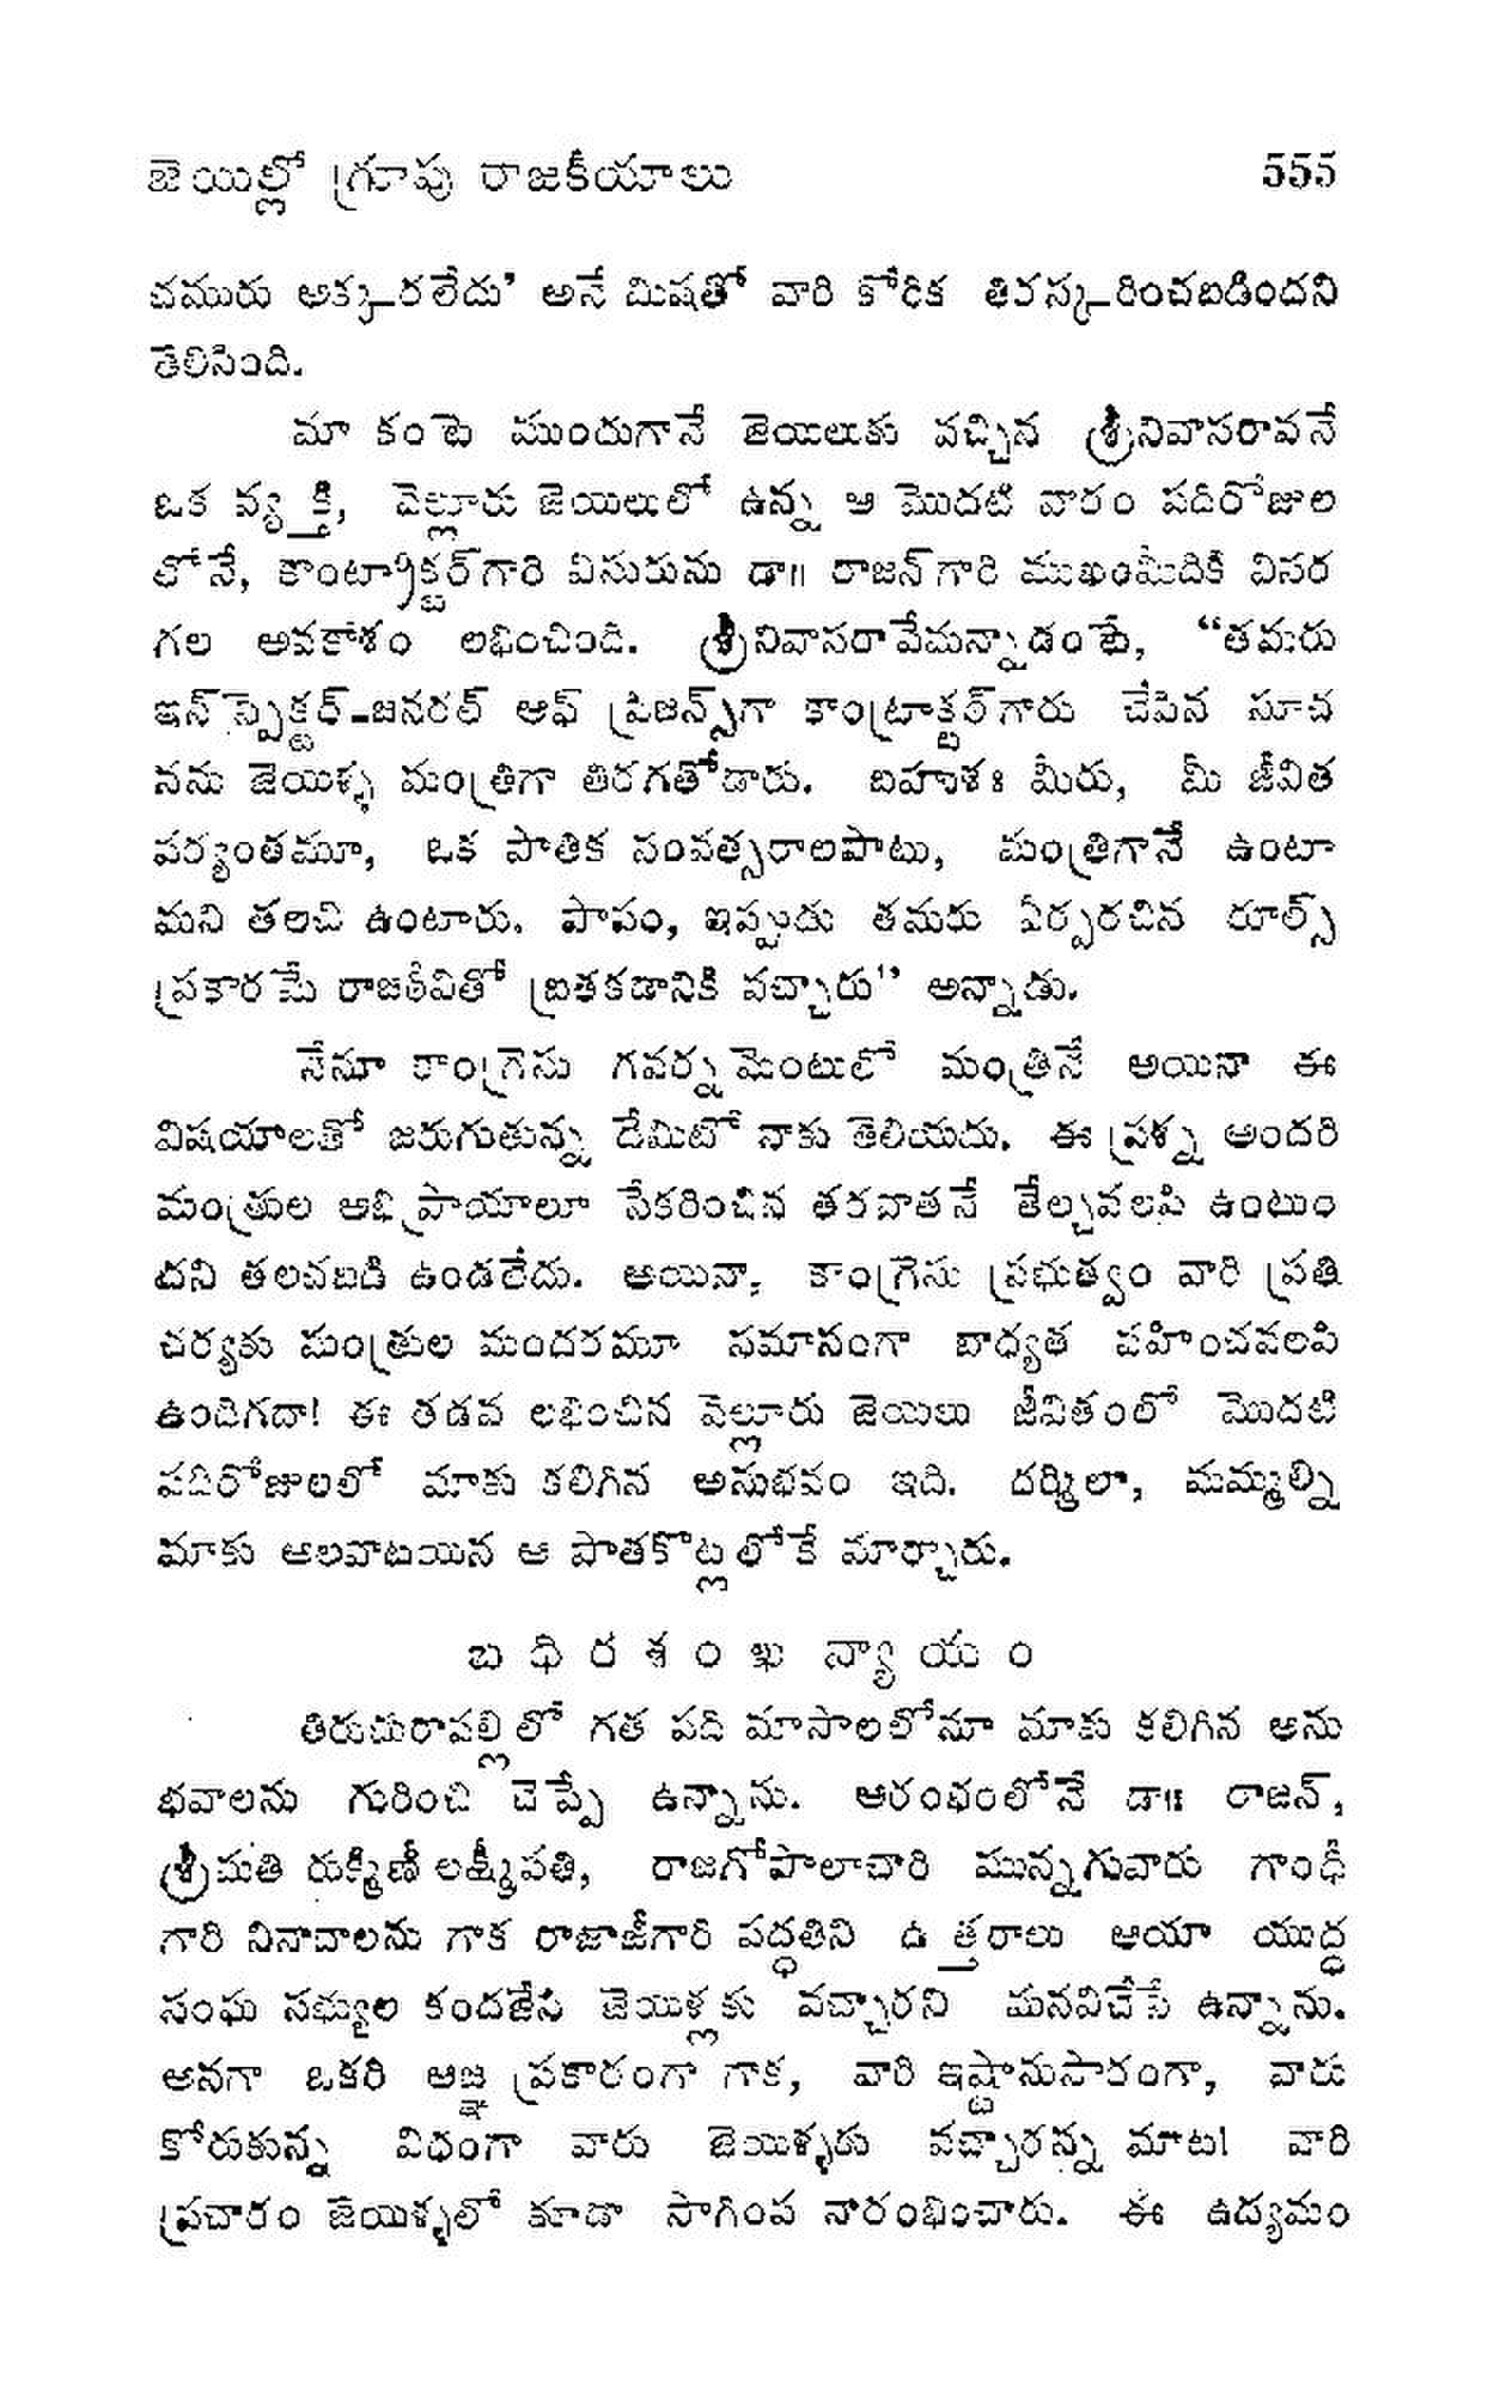చమురు అక్కరలేదు' అనే మిషతో వారి కోరిక తిరస్కరించబడిందని తెలిసింది.

మా కంటె ముందుగానే జెయిలుకు వచ్చిన శ్రీనివాసరావనే ఒక వ్యక్తి, వెల్లూరు జెయిలులో ఉన్న ఆ మొదటి వారం పదిరోజులలోనే, కాంట్రాక్టర్‌గారి విసురును డా॥ రాజన్‌గారి ముఖంమీదికి విసరగల అవకాశం లభించింది. శ్రీనివాసరావేమన్నాడంటే, "తమరు ఇన్‌స్పెక్టర్ - జనరల్ ఆఫ్ ప్రిజన్స్‌గా కాంట్రాక్టర్‌గారు చేసిన సూచనను జెయిళ్ళ మంత్రిగా తిరగతోడారు. బహుశ: మీరు, మీ జీవిత పర్యంతమూ, ఒక పాతిక సంవత్సరాలపాటు, మంత్రిగానే ఉంటామని తలచి ఉంటారు. పాపం, ఇప్పుడు తమరు ఏర్పరచిన రూల్స్ ప్రకారమే రాజఠీవితో బ్రతకడానికి వచ్చారు" అన్నాడు.

నేనూ కాంగ్రెసు గవర్నమెంటులో మంత్రినే అయినా ఈ విషయాలతో జరుగుతున్న దేమిటో నాకు తెలియదు. ఈ ప్రశ్న అందరి మంత్రుల అభిప్రాయాలూ సేకరించిన తరవాతనే తేల్చవలసి ఉంటుందని తలవబడి ఉండలేదు. అయినా, కాంగ్రెసు ప్రభుత్వం వారి ప్రతి చర్యకు మంత్రుల మందరమూ సమానంగా బాధ్యత వహించవలసి ఉందిగదా! ఈ తడవ లభించిన వెల్లూరు జెయిలు జీవితంలో మొదటి పదిరోజులలో మాకు కలిగిన అనుభవం ఇది. దర్మిలా, మమ్మల్ని మాకు అలవాటయిన ఆ పాతకొట్లలోకే మార్చారు.

తిరుచురాపల్లిలో గత పది మాసాలలోనూ మాకు కలిగిన అనుభవాలను గురించి చెప్పే ఉన్నాను. ఆరంభంలోనే డా॥ రాజన్, శ్రీమతి రుక్మిణీ లక్ష్మీపతి, రాజగోపాలాచారి మున్నగువారు గాంధీగారి నినాదాలను గాక రాజాజీగారి పద్ధతిని ఉత్తరాలు ఆయా యుద్ధసంఘ సభ్యుల కందజేసి జెయిళ్లకు వచ్చారని మనవిసేసే ఉన్నాను. అనగా ఒకరి ఆజ్ఞ ప్రకారంగా గాక, వారి ఇష్టానుసారంగా, వారు కోరుకున్న విధంగా వారు జెయిళ్ళకు వచ్చారన్న మాట! వారి ప్రచారం జెయిళ్ళలో కూడా సాగింప నారంభించారు. ఈ ఉద్యమం